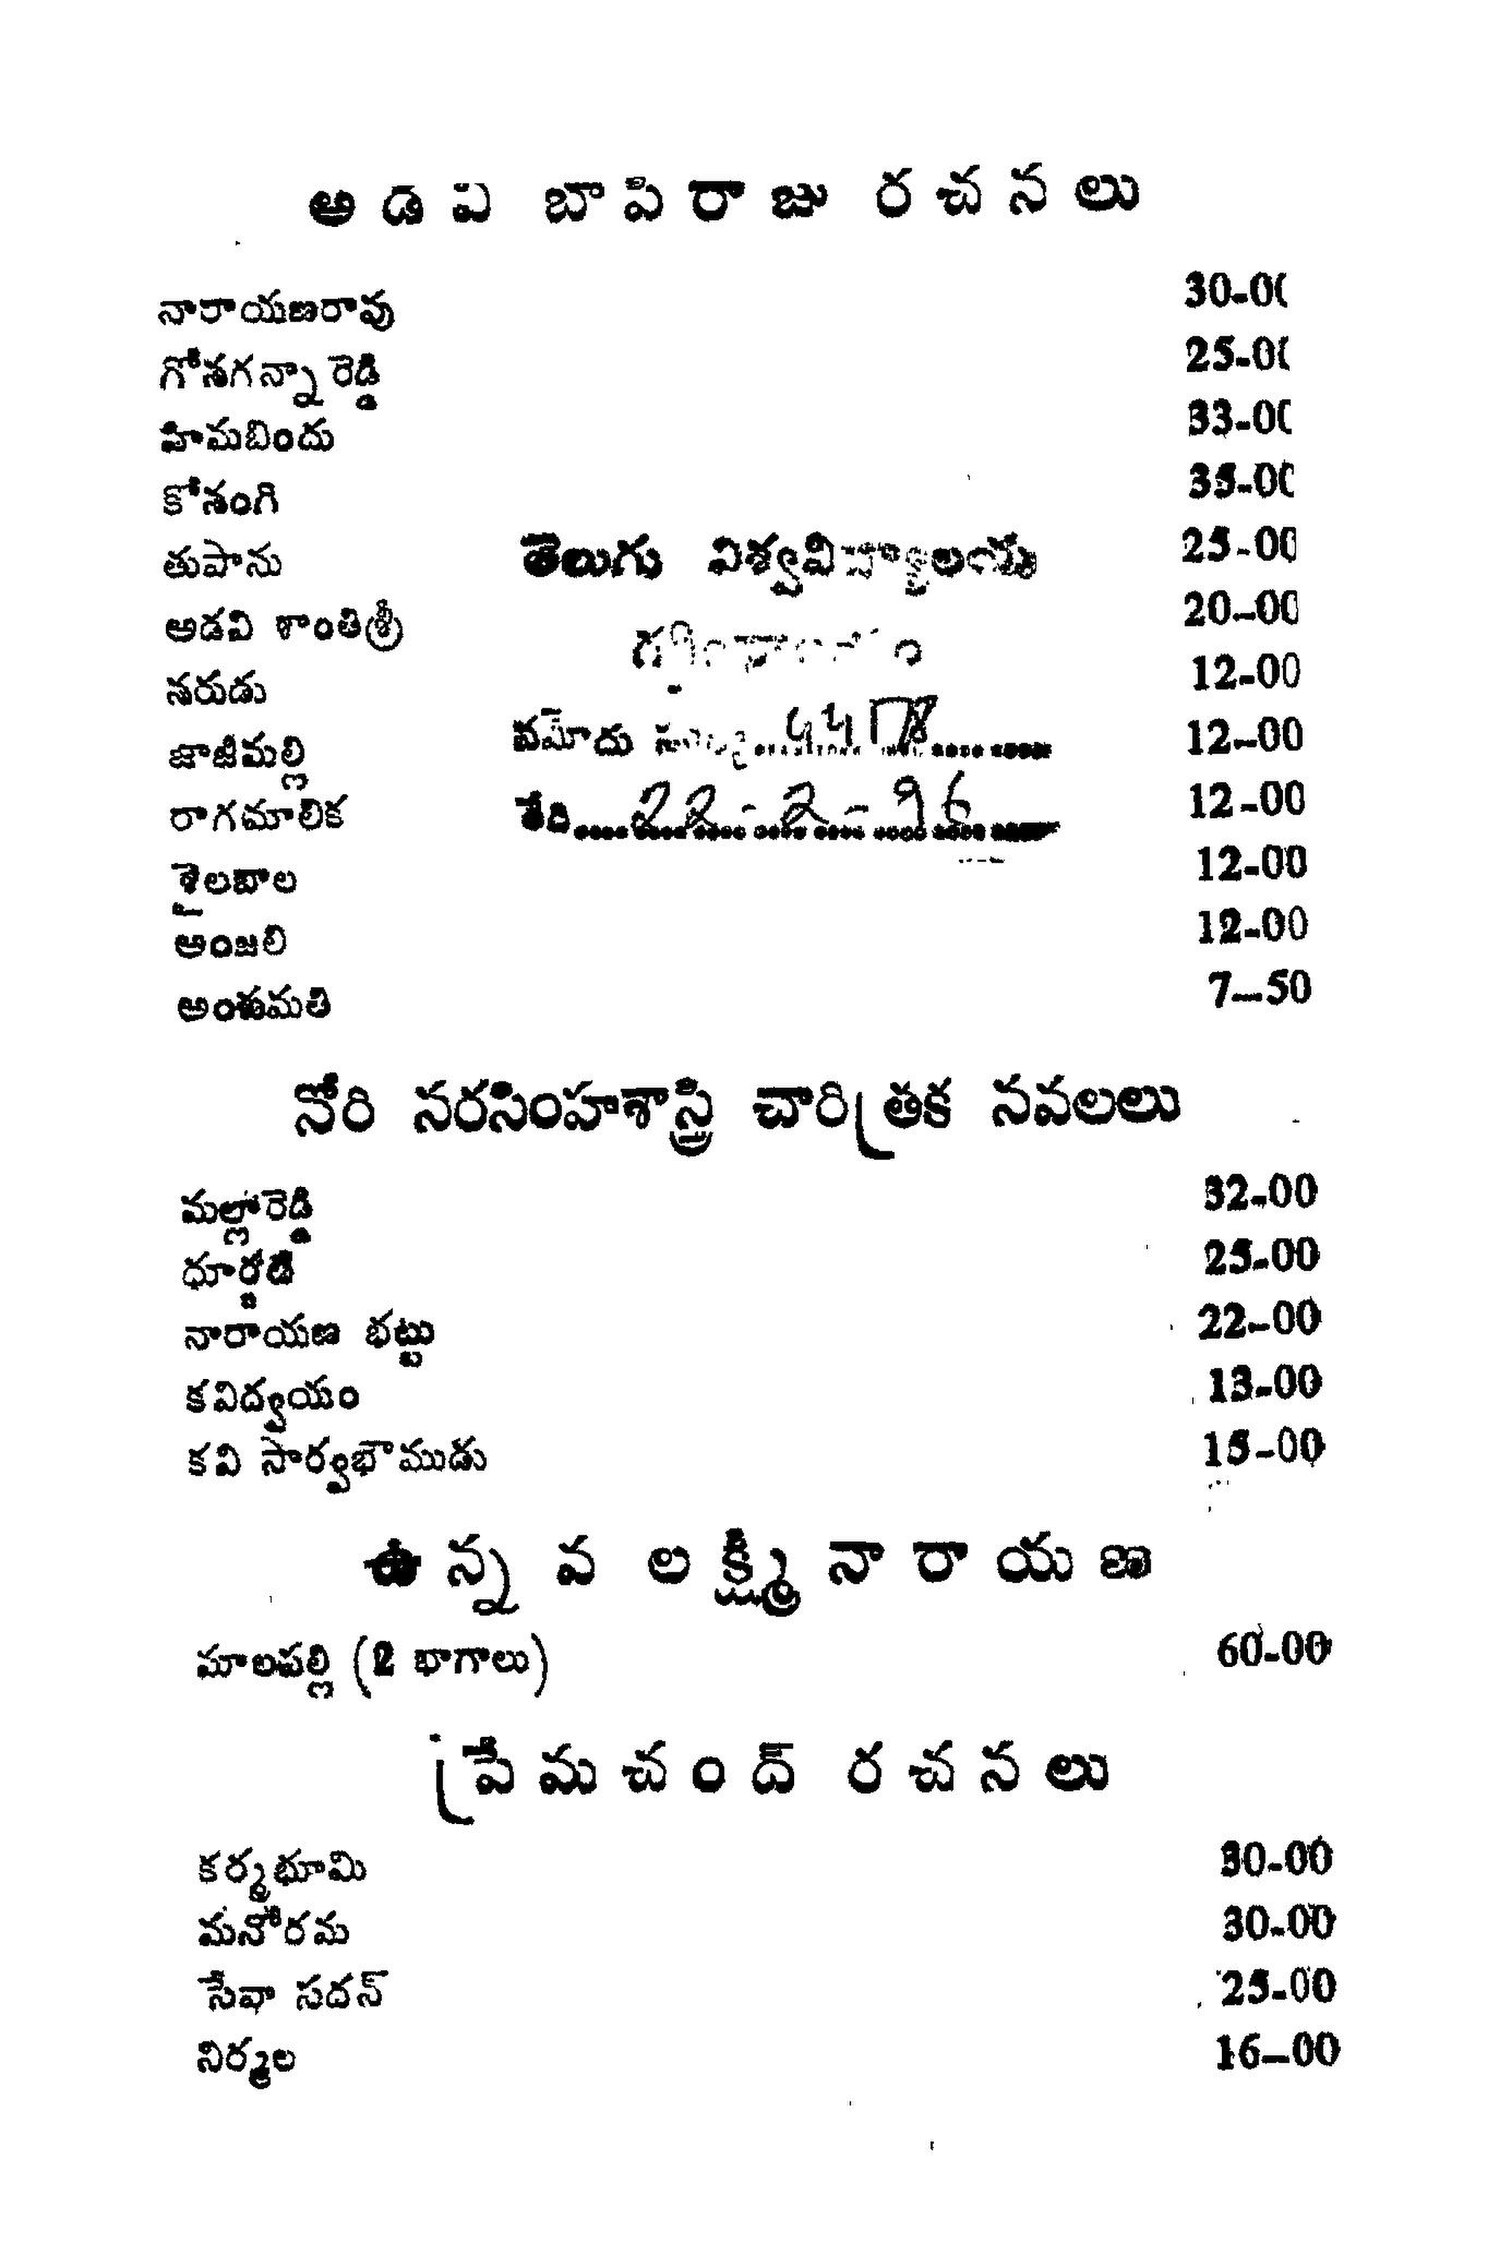నారాయణరావు 30-00

గోనగన్నారెడ్డి 25-00

హిమబిందు 33-00

కోనంగి 35-00

తుపాను 25-00

అడవి శాంతిశ్రీ 20-00

నరుడు 12-00

జాజిమల్లి 12-00

రాగమాలిక 12-00

శైలబాల 12-00

అంజలి 12-00

అంశుమతి 7-50

మల్లారెడ్డి 32-00

ధూర్జటి 25-00

నారాయణ భట్టు 22-00

కవిద్వయం 13-00

కవి సార్వభౌముడు 15-00

మాలపల్లి (2 భాగాలు) 60-00

కర్మభూమి 30-00

మనోరమ 30-00

సేవా సదన్ 25-00

నిర్మల 16-00